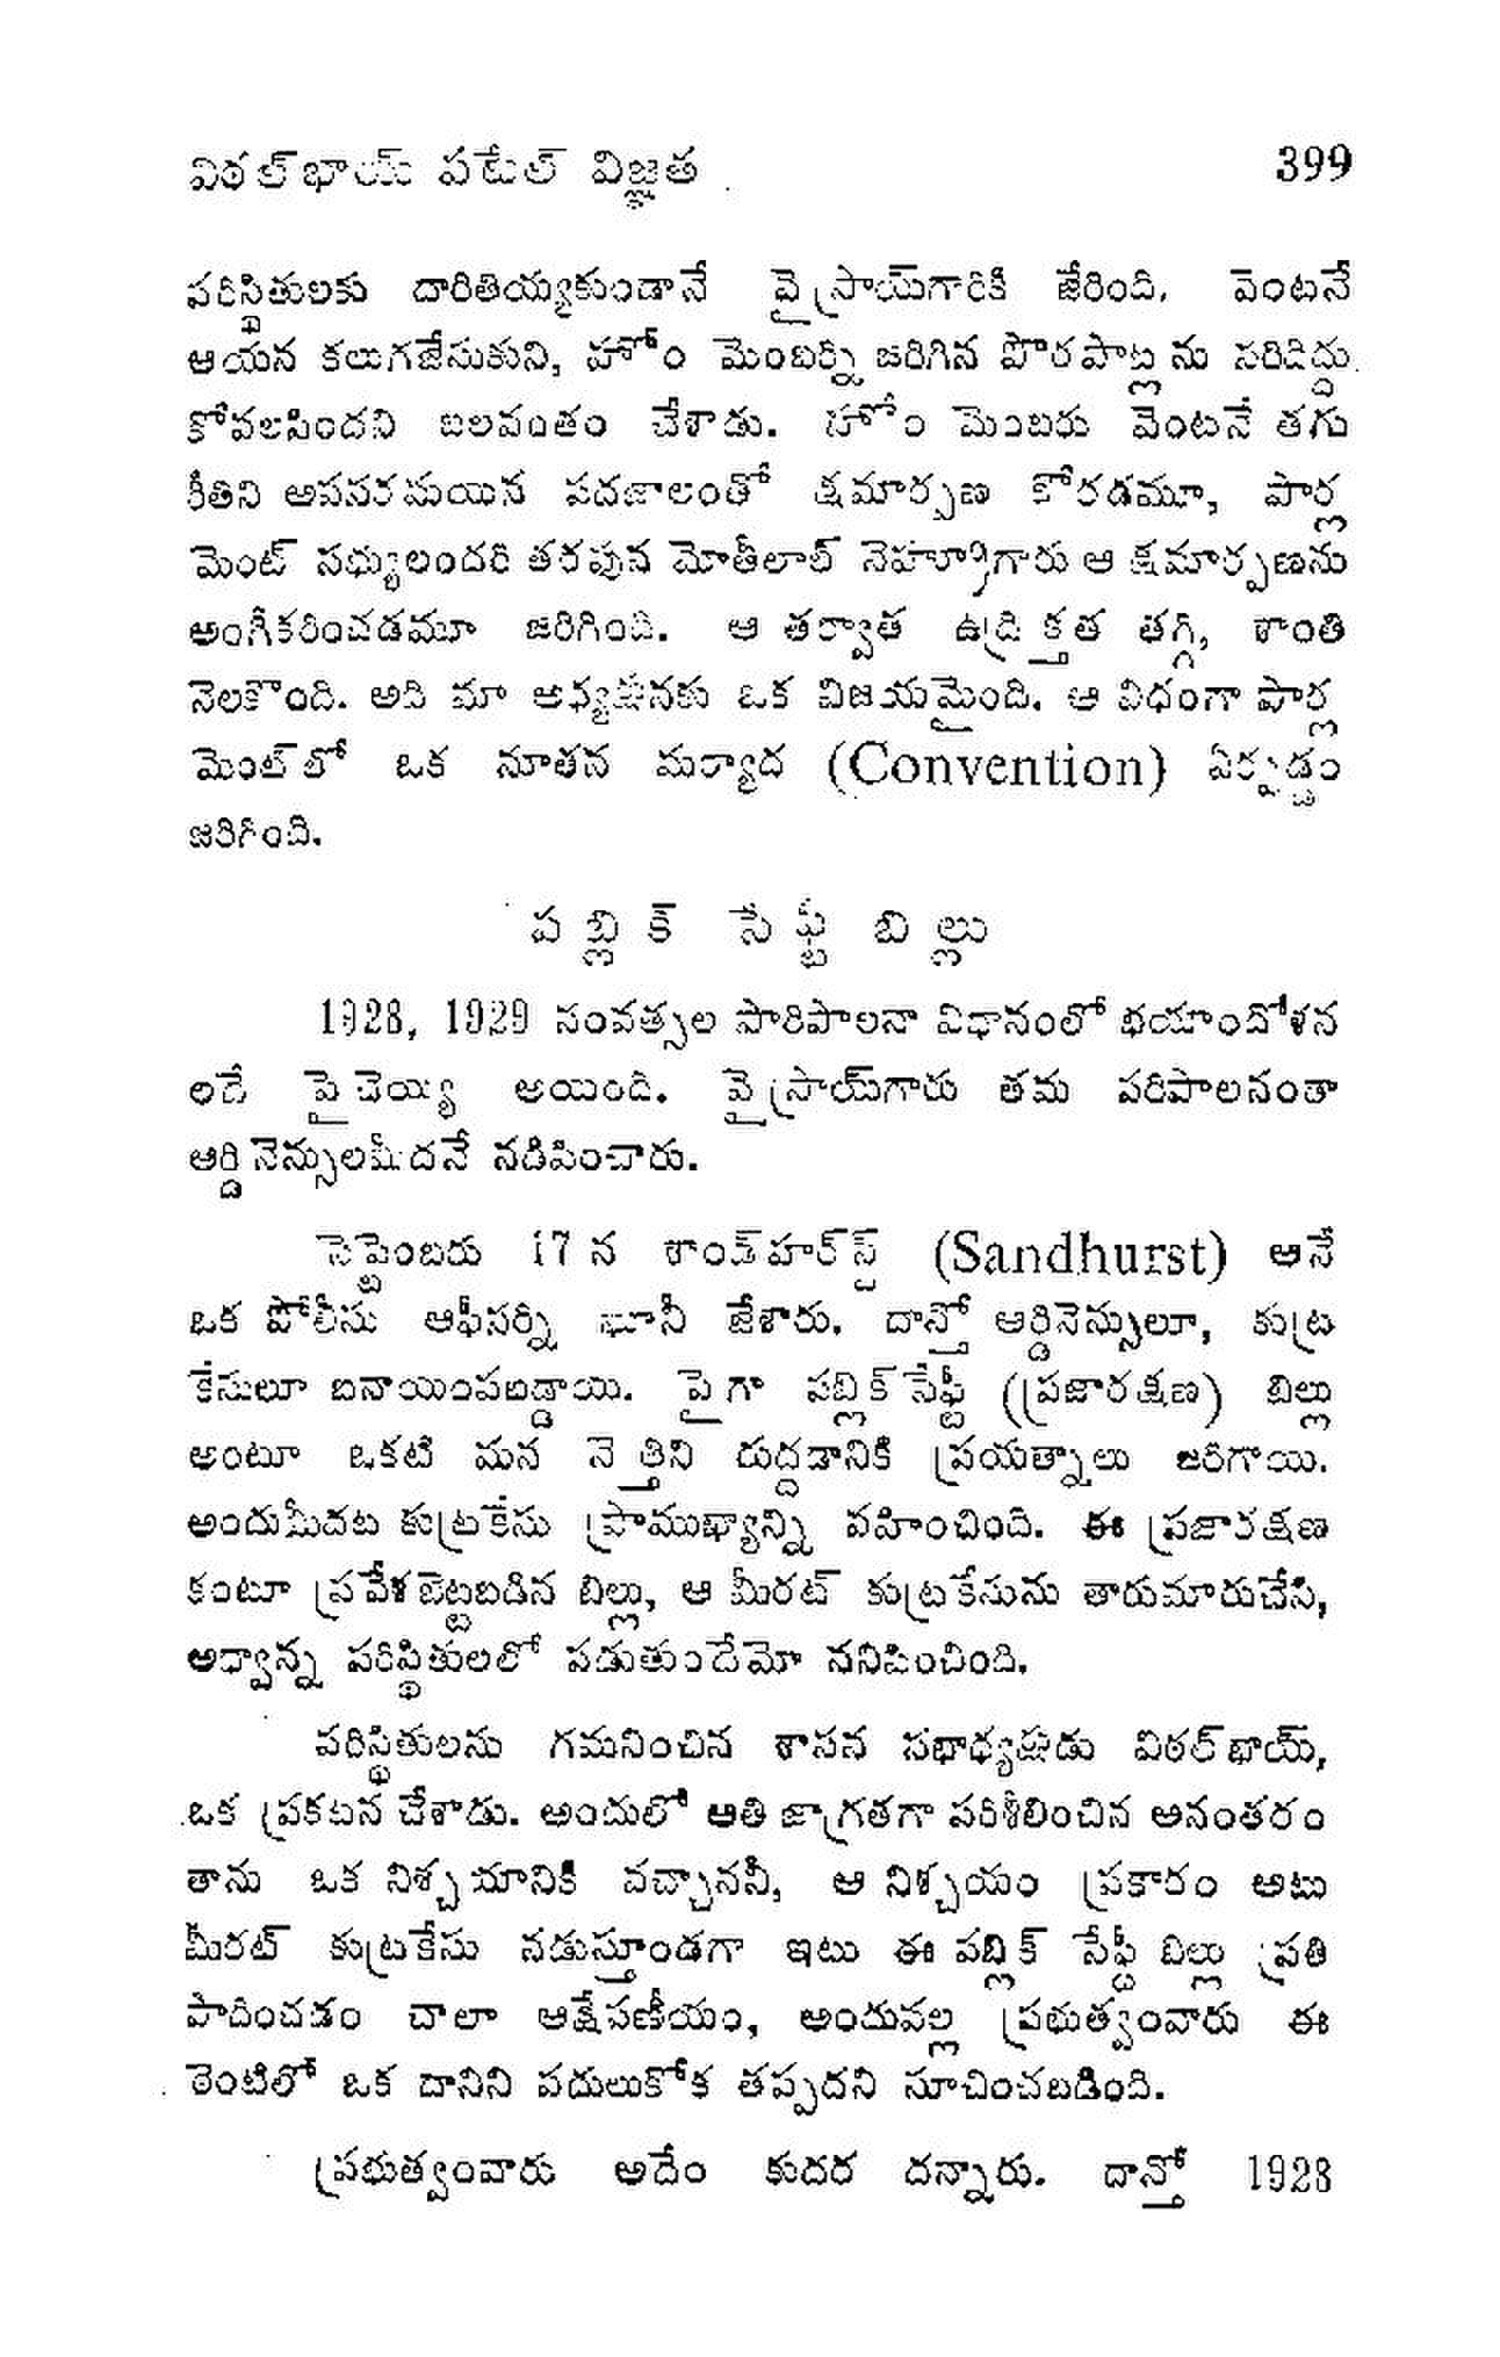పరిస్థితులకు దారితియ్యకుండానే వైస్రాయ్‌గారికి జేరింది. వెంటనే ఆయన కలుగజేసుకుని, హోం మెంబర్ని జరిగిన పొరపాట్లను సరిదిద్దుకో వలసిందని బలవంతం చేశాడు. హోం మెంబరు వెంటనే తగురీతిని అవసరమయిన పదజాలంతో క్షమార్పణ కోరడమూ, పార్లమెంట్ సభ్యులందరి తరపున మోతీలాల్ నెహ్రూగారు ఆ క్షమార్పణను అంగీకరించడమూ జరిగింది. ఆ తర్వాత ఉద్రిక్తత తగ్గి, శాంతి నెలకొంది. అది మా అధ్యక్షునకు ఒక విజయమైంది. ఆ విధంగా పార్లమెంట్‌లో ఒక నూతన మర్యాద (Convention) ఏర్పడ్డం జరిగింది.

1928, 1929 సంవత్సరాల పరిపాలనా విధానంలో భయాందోళనలదే పైచెయ్యి అయింది. వైస్రాయ్‌గారు తమ పరిపాలనంతా ఆర్డినెన్సులమీదనే నడిపించారు.

సెప్టెంబరు 17 న శాండ్‌హర్‌స్ట్ (Sandhurst) అనే ఒక పోలీసు ఆఫీసర్ని ఖూనీ జేశారు. దాన్తో ఆర్డినెన్సులూ, కుట్ర కేసులూ బనాయింపబడ్డాయి. పైగా పబ్లిక్‌సేఫ్టీ (ప్రజారక్షణ) బిల్లు అంటూ ఒకటి మన నెత్తిని రుద్దడానికి ప్రయత్నాలు జరిగాయి. అందుమీదట కుట్రకేసు ప్రాముఖ్యాన్ని వహించింది. ఈ ప్రజారక్షణకంటూ ప్రవేశబెట్టబడిన బిల్లు, ఆ మీరట్ కుట్రకేసును తారుమారుచేసి, అధ్వాన్న పరిస్థితులలో పడుతుందేమో ననిపించింది.

పరిస్థితులను గమనించిన శాసన సభాధ్యక్షుడు విఠల్‌భాయ్, ఒక ప్రకటన చేశాడు. అందులో అతి జాగ్రత్తగా పరిశీలించిన అనంతరం తాను ఒక నిశ్చయానికి వచ్చాననీ, ఆ నిశ్చయం ప్రకారం అటు మీరట్ కుట్రకేసు నడుస్తూండగా ఇటు ఈ పబ్లిక్ సేఫ్టీ బిల్లు ప్రతిపాదించడం చాలా ఆక్షేపణీయం, అందువల్ల ప్రభుత్వంవారు ఈ రెంటిలో ఒక దానిని వదులుకోక తప్పదని సూచించబడింది.

ప్రభుత్వంవారు అదేం కుదర దన్నారు. దాన్తో 1928